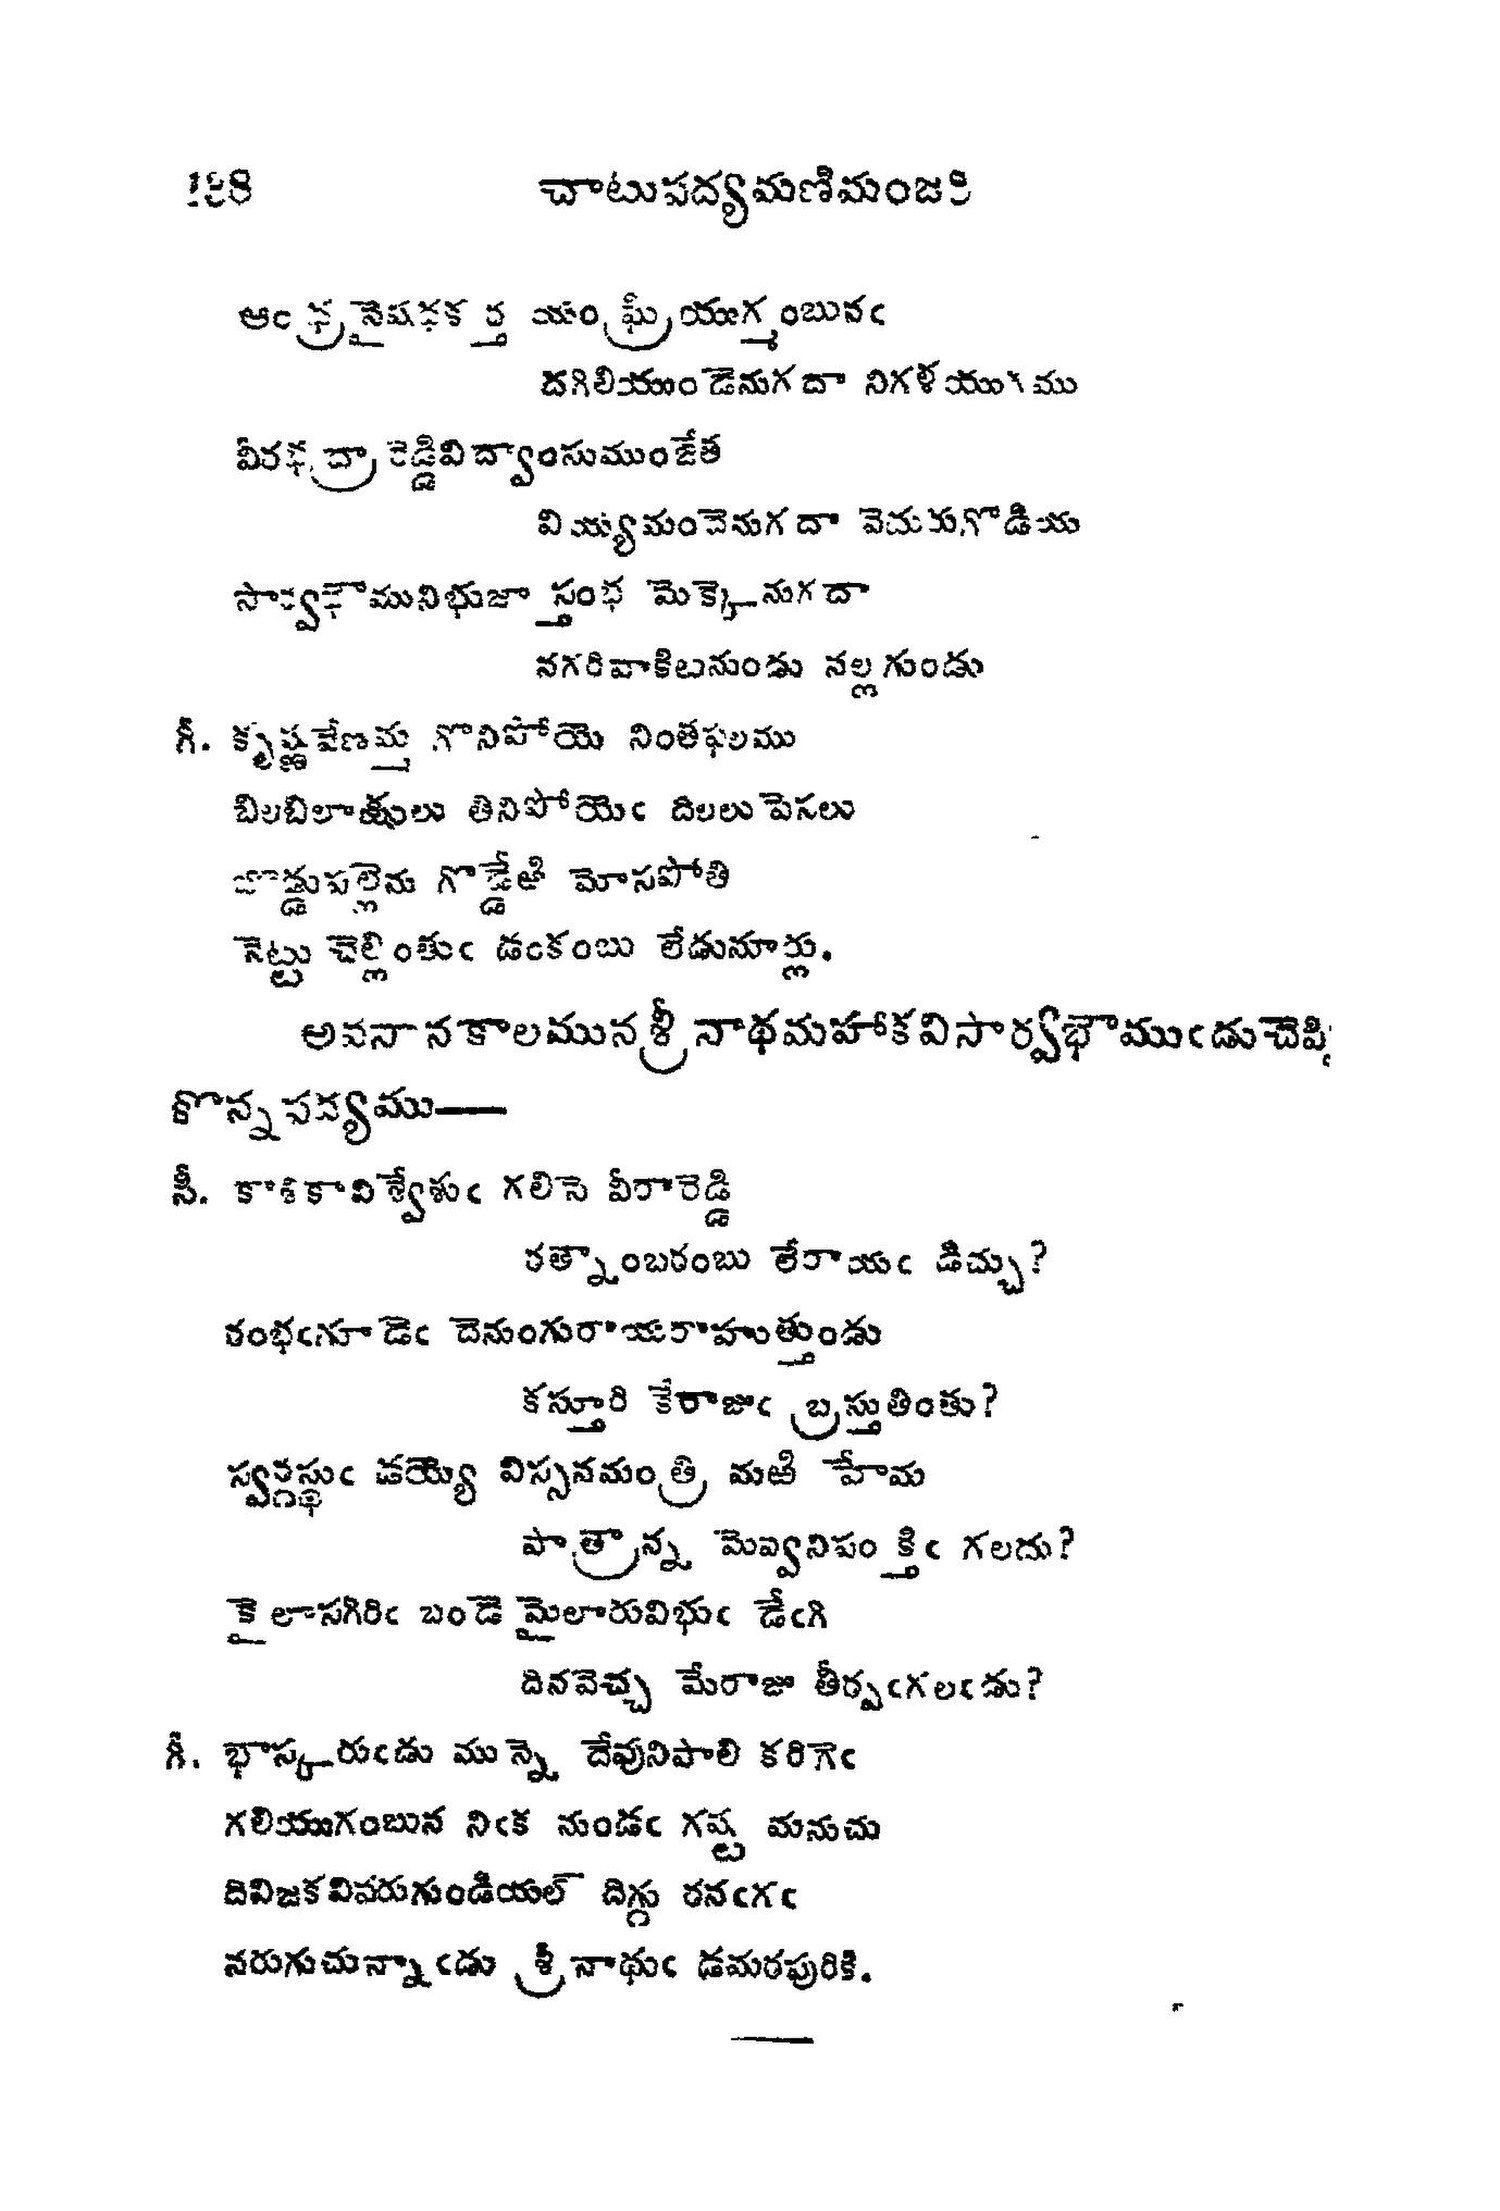ఆంధ్రనైషధకర్త యంఘ్రియుగ్మంబునఁ
 దగిలియుండెనుగదా నిగళయుగము
 వీరభద్రారెడ్డివిద్వాంసుముంజేత
 వియ్యమందెనుగదా వెదురుగొడియ
 సార్వభౌమునిభుజాస్తంభ మెక్కెనుగదా
 నగరివాకిటనుండు నల్లగుండు,
తే. కృష్ణవేణమ్మ గొనిపోయె నింతఫలము
 బిలబిలాక్షులు తినిపోయెఁ దిలలుపెసలు
 బొడ్డుపల్లెను గొడ్డేఱి మోసపోతి
 నెట్టు చెల్లింతుఁ డంకంబు లేడునూర్లు.
అవసానకాలమున శ్రీనాథమహాకవిసార్వభౌముఁడు చెప్పికొన్న పద్యము—
సీ. కాశికావిశ్వేశుఁ గలిసె వీరారెడ్డి
 రత్నాంబరంబు లేరాయఁ డిచ్చు?
 రంభఁ గూడెఁ దెనుంగురాయరాహుత్తుండు
 కస్తూరి కేరాజుఁ బ్రస్తుతింతు?
 స్వర్గస్థుఁ డయ్యె విస్సనమంత్రి మఱి హేమ
 పాత్రాన్న మెవ్వనిపంక్తిఁ గలదు?
 కైలాసగిరిఁ బండె మైలారువిభుఁ డేగి
 దినవెచ్చ మేరాజు తీర్పఁగలఁడు?
తే. భాస్కరుఁడు మున్నె దేవునిపాలి కరిగెఁ
 గలియుగంబున నిక నుండఁ గష్ట మనుచు
 దివిజకవివరుగుండియల్ దిగ్గు రనఁగ
 నరుగుచున్నాఁడు శ్రీనాథుఁ డమరపురికి.